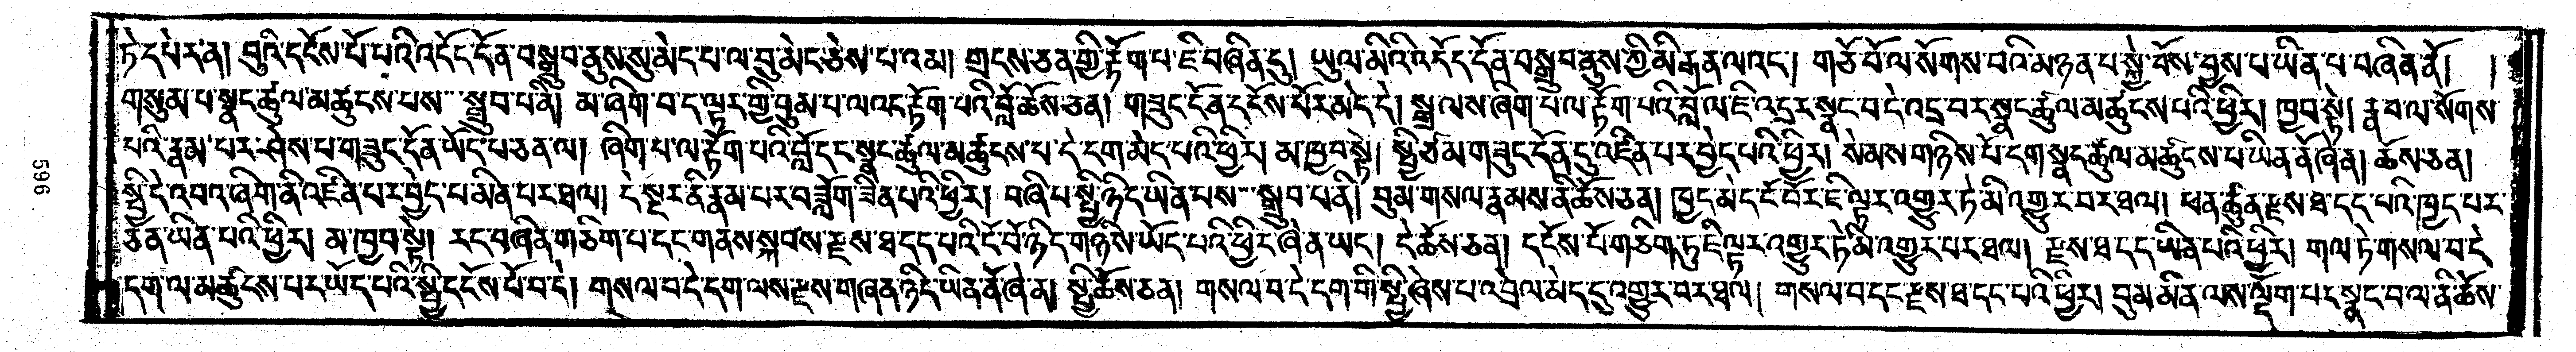ཏེ་དཔེར་ན། བུའི་དངོས་པོ་པའི་འདོད་དོན་བསྒྲུབ་ནུས་སུ་མེད་པ་ལ་བུ་མེང་ཅེས་པའམ། གྲངས་ཅན་གྱི་རྟོག་པ་ཇི་བཞིན་དུ། ཡུལ་མིའི་འདོད་དོན་བསྒྲུབ་ནུས་ཀྱི་མི་རྒན་ལའང་། གཅོ་བོ་ལ་སོགས་པའི་མཉན་པ་སྐྱེ་བོས་བྱས་པ་ཡིན་པ་བཞིན་ནོ། །
གསུམ་པ་སྣང་ཚུལ་མཚུངས་པས་སྒྲུབ་པ་ནི། མ་ཞིག་བ་ད་ལྟར་གྱི་བུམ་པ་ལའང་རྟོག་པའི་བློ་ཆོས་ཅན། གཟུང་དོན་དངོས་པོར་མེད་དེ། སྒྲ་ལས་ཞིག་པ་ལ་རྟོག་པའི་བློ་ལ་ཇི་འདྲར་སྣང་བདེ་འདྲ་བར་སྣང་ཚུལ་མཚུངས་པའི་ཕྱིར། ཁྱབ་སྟེ། རྣ་བ་ལ་སོགས་
པའི་རྣམ་པར་ཤེས་པ་གཟུང་དོན་ཡོད་པ་ཅན་ལ། ཞིག་པ་ལ་རྟོག་པའི་བློ་དང་སྣང་ཚུལ་མཚུངས་པ་དེ་དག་མེད་པའི་ཕྱིར། མ་ཁྱབ་སྟེ། སྦྱི་ཙམ་གཟུང་དོན་དུ་འཛིན་པར་བྱེད་པའི་ཕྱིར། སེམས་གཉིས་པོ་དག་སྣང་ཚུལ་མཚུངས་པ་ཡིན་ནོ་ཞེ་ན། ཆོས་ཅན།
སྦྱི་དེ་འབའ་ཞིག་ནི་འཛིན་པར་བྱེད་པ་མིན་པར་ཐལ། དེ་སྔར་ནི་རྣམ་པར་བཟློག་ཟིན་པའི་ཕྱིར། བཞི་པ་སྤྱི་ཉིད་ཡིན་པས་སྒྲུབ་པ་ནི། བུམ་གསལ་རྣམས་ནི་ཆོས་ཅན། ཁྱད་མེད་ངོ་བོར་ཇི་ལྟར་འགྱུར་ཏེ་མི་འགྱུར་བར་ཐལ། ཕན་ཚུན་རྫས་ཐ་དད་པའི་ཁྱད་པར་
ཅན་ཡིན་པའི་ཕྱིར། མ་ཁྱབ་སྟེ། རང་བཞིན་གཅིག་པ་དང་གནས་སྐབས་རྫས་ཐ་དད་པའི་ངོ་བོ་ཉིད་གཉིས་ཡོད་པའི་ཕྱིར་ཞེ་ན་ཡང་། དེ་ཆོས་ཅན། དངོས་པོ་གཅིག་ཏུ་ཇི་ལྟར་འགྱུར་ཏེ་མི་འགྱུར་བར་ཐལ། རྫས་ཐ་དད་ཡིན་པའི་ཕྱིར། གལ་ཏེ་གསལ་བ་དེ་
དག་ལ་མཚུངས་པར་ཡོད་པའི་སྤྱི་དངོས་པོ་བ་དེ། གསལ་བ་དེ་དག་ལས་རྫས་གཞན་ཉིད་ཡིན་ནོ་ཞེ་ན། སྤྱི་ཆོས་ཅན། གསལ་བ་དེ་དག་གི་སྤྱི་ཞེས་པ་འབྲེལ་མེད་དུ་འགྱུར་བར་ཐལ། གསལ་བ་དང་རྫས་ཐ་དང་པའི་ཕྱིར། བུམ་མིན་ལས་ལྡོག་པར་སྣང་བ་ལ་ནི་ཆོས་